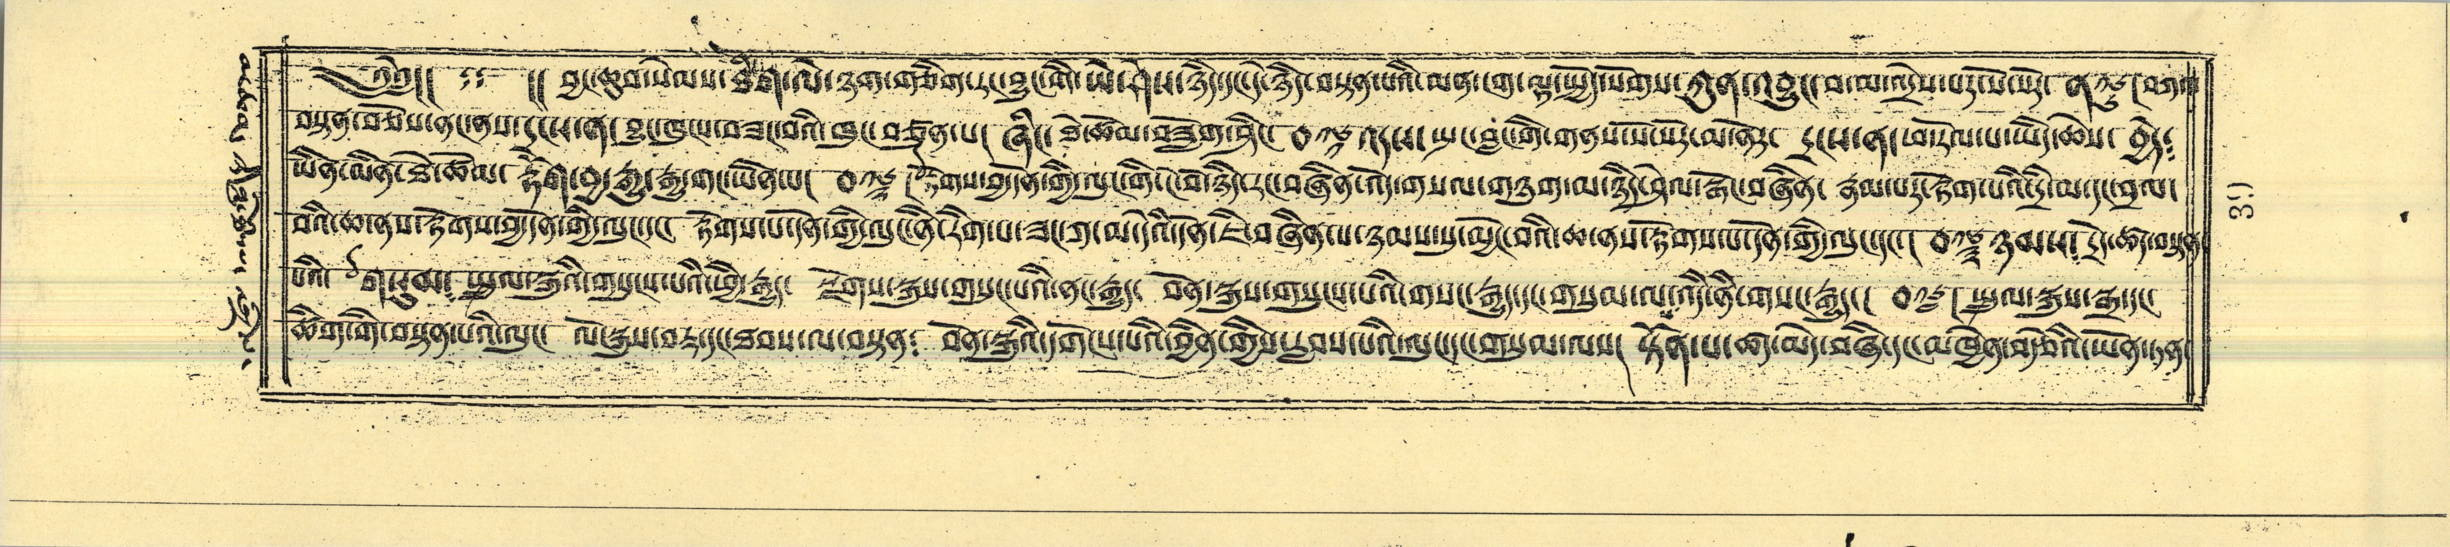བྱང་ཆུབ་སེམས་༼ཐིག་ལེ་༽ཉག་གཅིག་རང་འབྱུང་གི་༼ཡེ་ཤེས༽ཉིད་དང་དེ་ཉིད་བསྟན་པའི་མན་ངག་ལྟ་སྤྱོད་སོགས་༼ཀུན་འབྱུང་༽བ་མ་འདྲེས་པར་སོ་སོར་ན༡༦།༦ བཀའ་
བསྟན་བཅོས་ནང་ནས་༼དྲངས་ན༽བྱུང་ཁུངས་བཟང་བའི་ཁུངས་བཙུན་པ། ༼ཞིང༽ཐེ་ཚོམ་བཟློག་ཅིང་བ༡༦།༡༼འདས༽སྤང་བླང་གི་གནས་སོ་སོར་མ་ནོར་༼དྲངས་ན༽ཕ་རོལ་པོ་ཡིད་ཆེས་༼བྱེད༽
ཡིན་མིན་ཐེ་ཚོམ་༼རྟོག་བྱ་རྒྱུ་གང་ཡིན་པ༽ བ༡༦།༢ བ༡༦།༣ ༼ཉམས༽དྲོད་ཚད་ལྡན་པའི་རྟོགས་བྱ་དོན་གྱི་ལུང་གི་ངོ་བོ་ཉིད་རང་བཞིན་འོད་གསལ་གཉུག་མ་ཉིད་ཤེལ་སྒོང་བཞིན་རྣམ་པར་རྟོག་པའི་དྲི་མ་དང་བྲལ་
བའི་ཆ་ནས་རྟོགས་བྱ་དོན་གྱི་ལུང་དང་། རྟོགས་པ་དོན་གྱི་ལུང་ནི་རིག་པ་ཟང་ཀ་མ་དེའི་དོན་ཇི་བཞིན་པ་ཉམས་སུ་མྱོང་བའི་ཆ་ནས་རྟོགས་པ་དོན་གྱི་ལུང་དང་། ༼གསུམ༽ཉམས་དྲོད་ཚད་བསྟན།
པའི་ གསུམ་ སྤྲུལ་སྐུའི་གསུངས་པའི་ཕྱི་རྒྱུད་ རྫོགས་སྐུས་གསུངས་པའི་ནང་རྒྱུད་ བོན་སྐུས་གསུངས་པའི་གསང་རྒྱུད་དང་གསུམ་ལ་འདི་ནི་གསང་རྒྱུད་བ༡༦།༤སྤྲུལ་སྐུས་སྒྲ་དང་
ཚིག་གིས་བསྟན་པའི་ལུང་། ལོངས་སྐུའི་བརྡ་དང་ཐབས་ལ་བསྟན། བོན་སྐུའི་དགོངས་པའི་བྱིན་གྱིས་བརླབས་པའི་ལུང་དང་གསུམ་ལས་༼སྟོན་པ༽ཚད་མེད་བཞི་དང་མཁྱེན་བརྩེའི་ཡོན་ཏན་